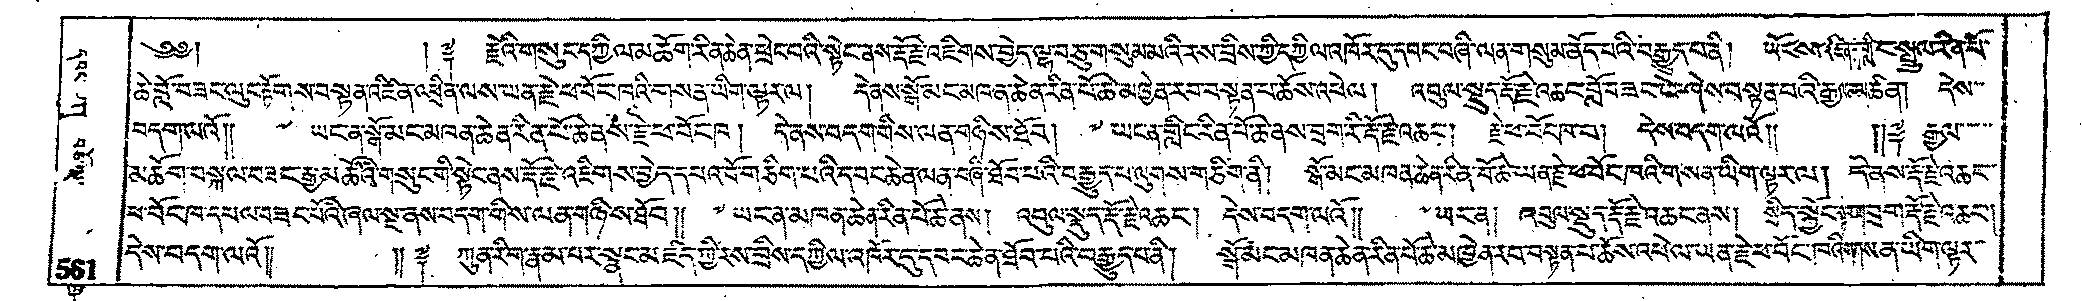༄༅། ། འ་རྗེའི་གསུང་དཀྱིལ་མཆོག་རིན་ཆེན་ཕྲེང་བའི་སྟེང་ནས་རྡོ་རྗེ་འཇིགས་བྱེད་ལྷ་བཅུ་གསུམ་མའི་རས་བྲིས་ཀྱི་དཀྱིལ་འཁོར་དུ་དབང་བཞི་ལན་གསུམ་ནོད་པའི་བརྒྱུད་པ་ནི། ཡོངས་འཛིན་གླིང་སྤྲུལ་རིན་པོ་
ཆེ་བློ་བཟང་ལུང་རྟོགས་བསྟན་འཛིན་འཕྲིན་ལས་ཡན་རྗེ་ཕ་བོང་ཁའི་གསན་ཡིག་ལྟར་ལ། དེ་ནས་སྒོ་མང་མཁན་ཆེན་རིན་པོ་ཆེ་མཁྱེན་རབས་བསྟན་པ་ཆོས་འཕེལ། འབུལ་སྡུད་རྡོ་རྗེ་འཆང་བློ་བཟང་ཡེ་ཤེས་བསྟན་པའི་རྒྱལ་མཚན། དེས་
བདག་ལའོ།། ༧་ཡང་ན་སྒོ་མང་མཁན་ཆེན་རིན་པོ་ཆེ་ནས་རྗེ་ཕ་བོང་ཁ། དེ་ནས་བདག་གིས་ལན་གཉིས་ཐོབ། ༧་ཡང་ན་གླིང་རིན་པོ་ཆེ་ནས་བྲག་རི་རྡོ་རྗེ་འཆང་། རྗེ་ཕ་བོང་ཁ་པ། དེས་བདག་ལའོ།། །། འ་རྒྱལ་
མཆོག་བསྐལ་བཟང་རྒྱ་མཚོའི་གསུང་གི་སྟེང་ནས་རྡོ་རྗེ་འཇིགས་བྱེད་དཔའ་བོ་གཅིག་པའི་དབང་ཆེན་ལན་བཞི་ཐོབ་པའི་བརྒྱུད་པ་ལུགས་གཅིག་ནི། སྒོ་མང་མཁན་ཆེན་རིན་པོ་ཆེ་ཡན་རྗེ་ཕ་བོང་ཁའི་གསན་ཡིག་ལྟར་ལ། དེ་ནས་རྡོ་རྗེ་འཆང་
ཕ་བོང་ཁ་དཔལ་བཟང་པོའི་ཞལ་སྔ་ནས་བདག་གིས་ལན་གཉིས་ཐོབ།། ༧་ཡང་ན་མཁན་ཆེན་རིན་པོ་ཆེ་ནས། འབུལ་སྡུད་རྡོ་རྗེ་འཆང་། དེས་བདག་ལའོ།། ༧བ་ཡང་ན། འབུལ་སྡུད་རྡོ་རྗེ་འཆང་ནས། སྲིད་སྐྱོང་སྟག་བྲག་རྡོ་རྗེ་འཆང་
དེས་བདག་ལའོ།། །། འ་ཀུན་རིག་རྣམ་པར་སྣང་མཛད་ཀྱི་རས་བྲིས་དཀྱིལ་འཁོར་དུ་དབང་ཆེན་ཐོབ་པའི་བརྒྱུད་པ་ནི། སྒོ་མང་མཁན་ཆེན་རིན་པོ་ཆེ་མཁྱེན་རབ་བསྟན་པ་ཆོས་འཕེལ་ཡན་རྗེ་ཕ་བོང་ཁའི་གསན་ཡིག་ལྟར་